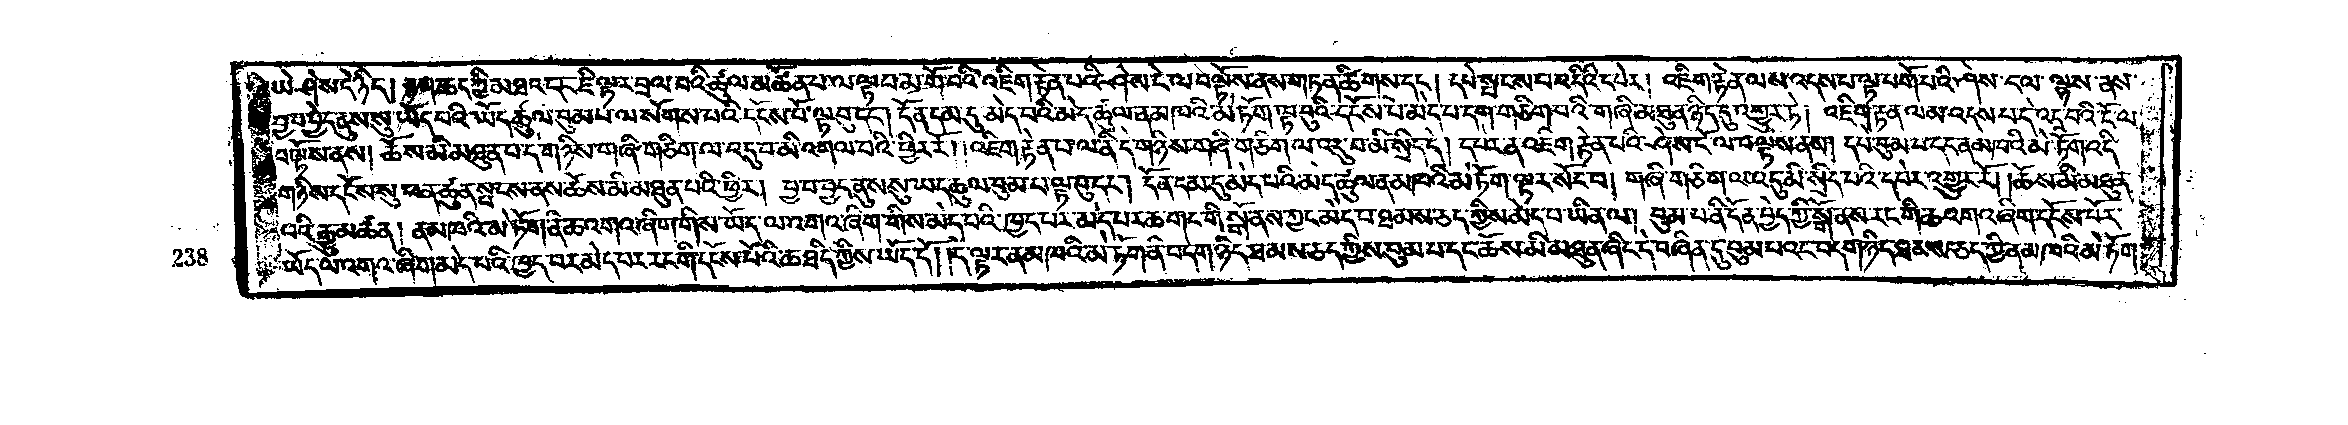ཡེ་ཤེས་དེ་ཉིད། རྟག་ཆད་ཀྱི་མཐའ་དང་ཇི་ལྟར་བྲལ་བའི་ཚུལ་མཚོན་པ་ལ་ལྟ་བ་མ་གོ་བའི་འཇིག་རྟེན་པའི་ཤེས་དེ་ལ་བལྟོས་ནས་གཏན་ཚིགས་དང་། དཔེ་སྤངས་པ་འདིའི་དཔེར། འཇིག་རྟེན་ལས་འདས་པ་ལྟ་བ་གོ་བའི་ཤེས་ངོ་ལ་བལྟོས་ནས།
བྱ་བ་བྱེད་ནུས་སུ་ཡོད་པའི་ཡོད་ཚུལ་བུམ་པ་ལ་སོགས་པའི་དངོས་པོ་ལྟ་བུ་དང་། དོན་དམ་དུ་མེད་པའི་མེད་ཚུལ་ནམ་མཁའི་མེ་ཏོག་ལྟ་བུའི་དངོས་པོ་མེད་པ་དག་གཅིག་པའི་གཞི་མཐུན་ཉིད་དུ་འགྱུར་ཏེ། འཇིག་རྟེན་ལས་འདས་པ་དེ་འདྲ་བའི་ངོ་ལ་
བལྟོས་ནས། ཆོས་མི་མཐུན་པ་དེ་གཉིས་གཞི་གཅིག་ལ་འདུ་བ་མི་འགལ་བའི་ཕྱིར་རོ། །འཇིག་རྟེན་པ་ལ་ནི་དེ་གཉིས་གཞི་གཅིག་ལ་འདུ་བ་མི་སྲིད་དེ། དཔེར་ན་འཇིག་རྟེན་པའི་ཤེས་ངོ་ལ་བལྟོས་ནས། དཔེ་བུམ་པ་དང་ནམ་མཁའི་མེ་ཏོག་འདི་
གཉིས་དངོས་སུ་ཕན་ཚུན་སྤངས་ནས་ཆོས་མི་མཐུན་པའི་ཕྱིར། བྱ་བ་བྱང་ནུས་སུ་ཡོད་ཚུལ་བུམ་པ་ལྟ་བུ་དང་། དོན་དམ་དུ་མེད་པའི་མེད་ཚུལ་ནམ་མཁའི་མེ་ཏོག་ལྟར་སོང་བ། གཞི་གཅིག་ལ་འདུ་མི་སྲིད་པའི་དཔེར་འགྱུར་རོ། །ཆོས་མི་མཐུན་
པའི་རྒྱུ་མཚན། ནམ་མཁའི་མེ་ཏོག་ནི་ཆ་འགའ་ཞིག་གིས་ཡོད་ལ་འགའ་ཞིག་གིས་མེད་པའི་ཁྱད་པར་མེད་པར་ཆ་གང་གི་སྒོ་ནས་ཀྱང་མེད་པ་ཐམས་ཅད་ཀྱིས་མེད་པ་ཡིན་ལ། བུམ་པ་ནི་དོན་བྱེད་ཀྱི་སྒོ་ནས་རང་གི་ཆ་འགའ་ཞིག་དངོས་པོར་ཡོད་ལ་འགའ་ཞིག་མེད་པའི་ཁྱད་པར་མེད་པར་རང་གི་དངོས་པོའི་ཆ་ཐམས་ཅད་ཀྱིས་ཡོད་དོ། །དེ་ལྟར་ནམ་མཁའི་མེ་ཏོག་ནི་བདག་ཉིད་ཐམས་ཅད་ཀྱིས་བུམ་པ་དང་ཆོས་མི་མཐུན་ཞིང་དེ་བཞིན་དུ་བུམ་པའང་བདག་ཉིད་ཐམས་ཅད་ཀྱི་ནམ་མཁའི་མེ་ཏོག་